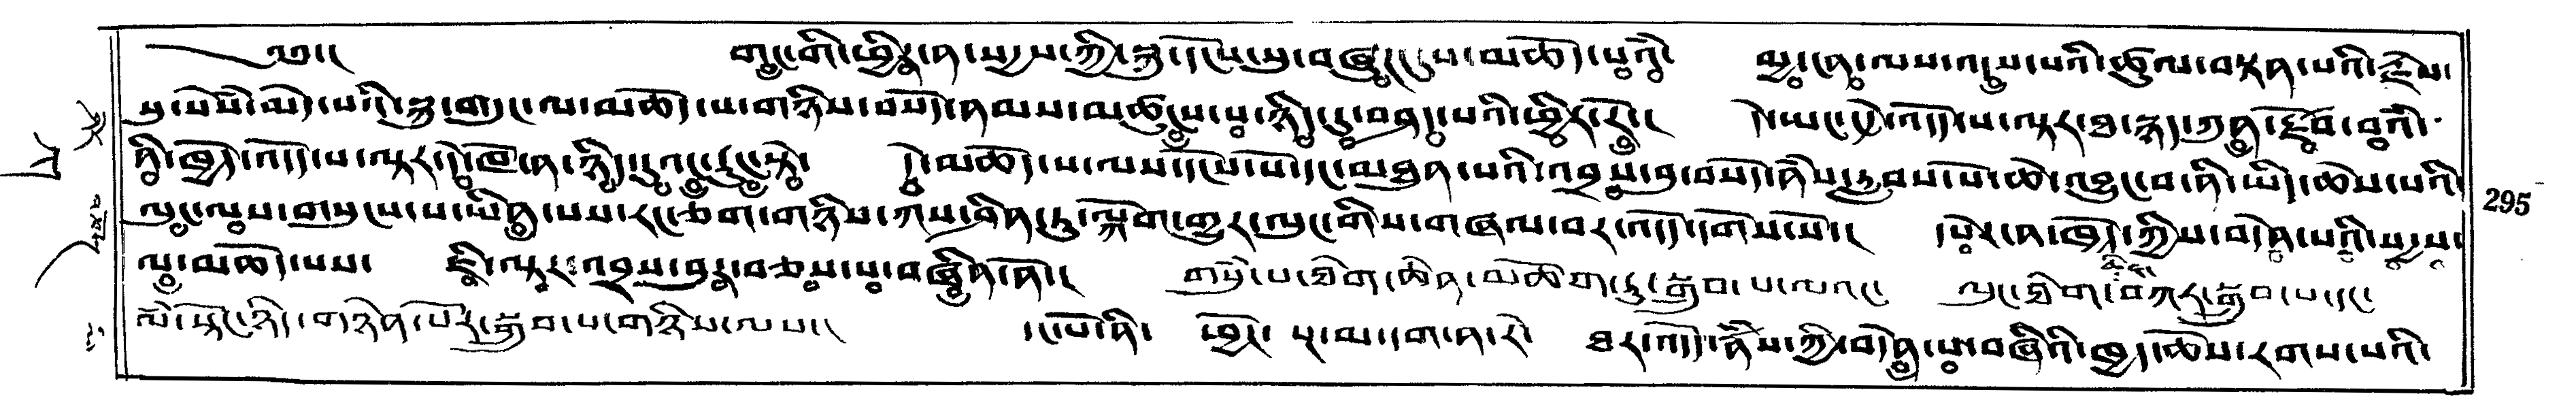གང་གི་ཕྱིར་ན་སངས་རྒྱས་ཀྱི་སྐུ་དངོས་སུ་བཞུགས་དུས་མཆོད་པའམ། མྱ་ངན་ལས་འདས་པའི་ཚུལ་བསྟན་པའི་རྗེས་
སུ་སེམས་མེད་པའི་སྐུ་གདུང་ལ་མཆོད་པ་གཉིས་བསོད་ནམས་མཚུངས་པ་ཉིད་དུ་བཤད་པའི་ཕྱིར་རོ།། དེ་ཡང་ངེད་ཀྱི་འདོད་པ་ལྟར་ཐ་སྙད་ཀུན་རྫོབ་པའམ་
ནི་ཁྱོད་ཀྱི་འདོད་པ་ལྟར་དེ་ཁོ་ན་ཉིད་དུའང་རུང་སྟེ། དེ་མཆོད་པ་ལས་དངོས་པོ་དང་མཐུན་པའི་འབྲས་བུ་བསོད་ནམས་རླབས་པོ་ཆེ་འབྱུང་བ་ནི་ཡིད་ཆེས་པའི་
ལུང་ལས་གསུངས་པ་ཡིན་པས་རང་ཅག་གཉིས་ཀས་ཤིན་ཏུ་ལྐོག་གྱུར་ལུང་གིས་གཞལ་བར་འདོད་དགོས་སོ།། དཔེར་ན་ཁྱོད་ཀྱིས་བདེན་པའི་སངས་རྒྱས་
ལ་མཆོད་པས། ཇི་ལྟར་འབྲས་བུར་བཅས་པ་བཞིན་ནོ།། གསུམ་པ་ཐེག་ཆེན་མཆོག་ཏུ་སྒྲུབ་པ་ལའང་། ལུང་ཐེག་ཆེན་བཀར་སྒྲུབ་པ་དང་། 
ལམ་སྟོང་ཉིད་གཉེན་པོར་སྒྲུབ་པ་གཉིས་ལས། དང་པོ་ནི། ཕྱོགས་སྔ་མ་དག་ན་རེ། ཐར་འདོད་རྣམས་ཀྱིས་བདེན་པ་བཞིའི་ཁྱད་ཆོས་རགས་པའི་